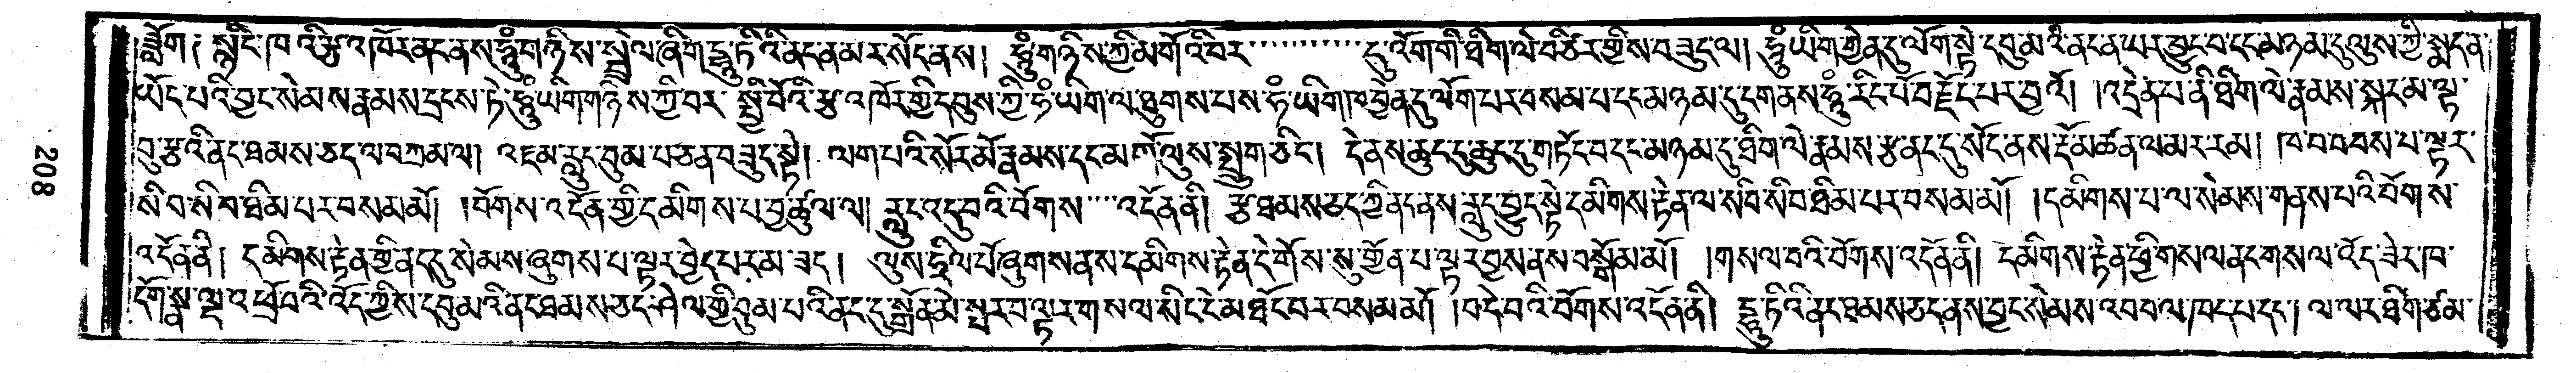ཟློག༑ སྙིང་ཁའི་རྩ་འཁོར་ནང་ནས་ཧཱུཾ་གཉིས་སྦྲེལ་ཞིག་དྷཱུ་ཏིའི་ནད་ན་མར་སོང་ནས། ཧཱུཾ་གཉིས་ཀྱི་མགོའི་བར་དུ་འོག་གི་ཐིག་ལེ་བཙིར་གྱིས་བཟུང་ལ། ཧཱུཾ་ཡིག་གྱེན་དུ་ལོག་སྟེ་དབུ་མའི་ནང་ན་ཡར་བྱུང་བ་དང་མཉམ་དུ་ལུས་ཀྱི་སྨད་ན་
ཡོད་པའི་བྱང་སེམས་རྣམས་དྲངས་ཏེ་ཧཱུཾ་ཡིག་གཉིས་ཀྱི་བར་སྤྱི་བོའི་རྩ་འཁོར་གྱི་དབུས་ཀྱི་ཧཾ་ཡིག་ལ་ཐུགས་པས་ཧཾ་ཡིག་ཁ་བྱེན་དུ་ལོག་པར་བསམ་པ་དང་མཉམ་དུ་དག་ནས་ཧཱུཾ་རིང་པོ་བརྗོད་པར་བྱའོ། །འདྲེན་པ་ནི་ཐིག་ལེ་རྣམས་སྐར་མ་ལྟ་
བུ་རྩའི་ནང་ཐམས་ཅད་ལ་བཀྲམ་ལ། འཇམ་རླུང་བུམ་པ་ཅན་བཟུང་སྟེ། ལག་པའི་སོར་མོ་རྣམས་དང་མགོ་ལུས་སྤྲུག་ཅིང་། དེ་ནས་ཆུང་དུ་ཆུང་དུ་གཏོང་བ་དང་མཉམ་དུ་ཐིག་ལེ་རྣམས་རྩ་ནང་དུ་སོང་ནས་རྡོ་མཚན་ལ་མར་རམ། ཁ་བ་བབས་པ་ལྟར་
སིབ་སིབ་ཐིམ་པར་བསམ་མོ། །བོགས་འདོན་གྱི་དམིགས་པ་བྱ་ཚུལ་ལ། རླུང་འདུ་བའི་བོགས་འདོན་ནི། རྩ་ཐམས་ཅད་ཀྱི་ནང་ནས་རླུང་བྱུང་སྟེ་དམིགས་རྟེན་ལ་སིབ་སིབ་ཐིམ་པར་བསམ་མོ། །དམིགས་པ་ལ་སེམས་གནས་པའི་བོགས་
འདོན་ནི། དམིགས་རྟེན་གྱི་ནད་དུ་སེམས་ཞུགས་པ་ལྟར་བྱེད་པར་མ་ཟད། ལུས་ཧྲིལ་པོ་ཞུགས་ནས་དམིགས་རྟེན་དེ་གོས་སུ་གྱོན་པ་ལྟར་བྱས་ནས་བསྒོམ་མོ། །གསལ་བའི་བོགས་འདོན་ནི། དམིགས་རྟེན་ཕྱི་གསལ་ནང་གསལ་འོད་ཟེར་ཁ་
དོག་སྣ་ལྡ་འཕྲོ་བའི་འོད་ཀྱིས་དབུ་མའི་ནང་ཐམས་ཅད་ཤེལ་གྱི་བུམ་པའི་ནད་དུ་སྒྲོན་མེ་སྤར་བ་ལྟར་གསལ་སིང་ངེ་མཐོང་བར་བསམ་མོ། །བདེ་བའི་བོགས་འདོན་ནི། དྷཱུ་ཏིའི་ནང་ཐམས་ཅད་ནས་བྱང་སེམས་འབབ་ལ་ཁད་པ་དང་། ལ་ལར་ཐིག་ཙམ་